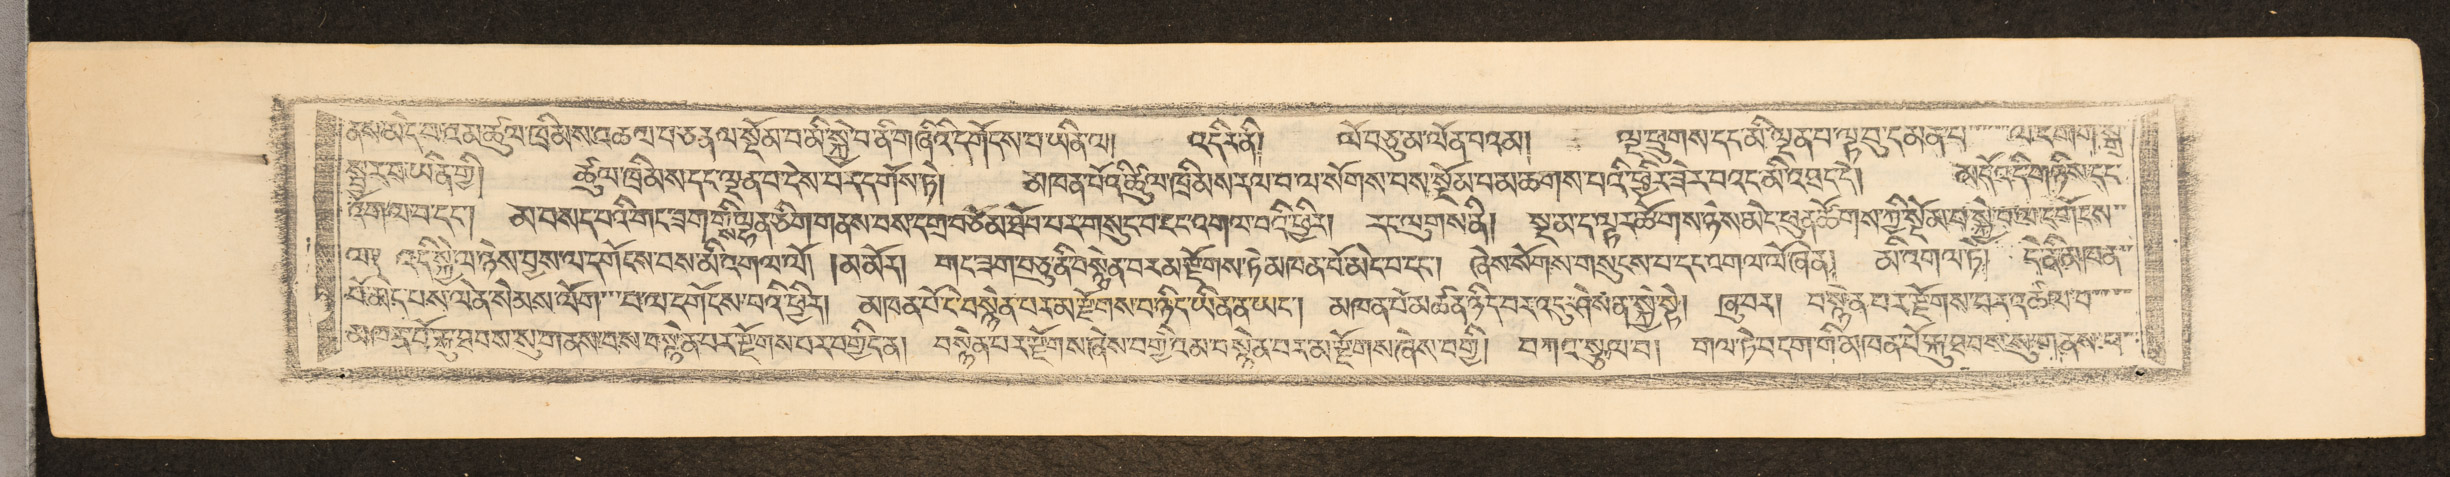ནས་མེད་པ་འམ་ཚུལ་ཁྲིམས་འཆལ་པ་ཅན་ལ་སྡོམ་པ་མི་སྐྱེ་བ་ནི་གཞིའི་དགོངས་པ་ཡིན་ལ། འདིར་ནི། ལོ་བཅུ་མ་ལོ་ན་བའམ། ལྔ་ཕྲུགས་དང་མི་ལྡན་པ་ལྟ་བུ་དམན་པ་ལ་དགག་སྒྲ་
སྦྱར་བ་ཡིན་གྱི། ཚུལ་ཁྲིམས་དང་ལྡན་པ་ངེས་པར་དགོས་ཏེ། མཁན་པོའི་ཚུལ་ཁྲིམས་རལ་བ་ལ་སོགས་པས་སྡོམ་པ་མ་ཆགས་པའི་ཕྱིར་ཟེར་བའང་མི་འཐད་དེ། མདོ་འདི་གཉིས་དང་
འགལ་བ་དང་། མ་བསད་པའི་གང་ཟག་གིས་ལྷན་ཅིག་གནས་པས་དགྲ་བཅོམ་ཐོབ་པར་གསུང་བ་དང་འགལ་བའི་ཕྱིར། རང་ལུགས་ནི། སྔ་མ་ད་ལྟར་ཆོ་གས་ཉེས་མེད་ཕུན་ཚོགས་ཀྱི་སྡོམ་པ་སྐྱེ་པ་ལ་དགོངས་
ལ། འདི་སྐྱེ་ལ་ཉེས་བྱས་ལ་དགོངས་པས་མི་འགལ་ལོ། །མ་མོར། གང་ཟག་བཅུ་ནི་བསྙེན་པར་མ་རྫོགས་ཏེ་མཁན་པོ་མེད་པ་དང་། ཞེས་སོགས་གསུངས་པ་དང་འགལ་ལོ་ཞེ་ན། མི་འགལ་ཏེ། དེ་ནི་མཁན་
པོ་མེད་པས་ལེན་སེམས་ལོག་པ་ལ་དགོངས་པའི་ཕྱིར། མཁན་པོ་དེ་བསྙེན་པར་མ་རྫོགས་པ་ཉིད་ཡིན་ན་ཡང་། མཁན་པོ་མཚན་ཉིད་བར་འདུ་ཤེས་ན་སྐྱེ་སྟེ། ཞུ་བར། བསྙེན་པར་རྫོགས་པར་འཚལ་བ་
མཁན་པོ་རྐུ་ཐབས་སུ་གནས་པས་བསྙེན་པར་རྫོགས་པར་བགྱིད་ན། བསྙེན་པར་རྫོགས་ཞེས་བགྱིའམ་བསྙེན་པར་མ་རྫོགས་ཞེས་བགྱི། བཀའ་སྩལ་པ། གལ་ཏེ་བདག་གི་མཁན་པོ་རྐུ་ཐབས་སུ་གནས་པ་